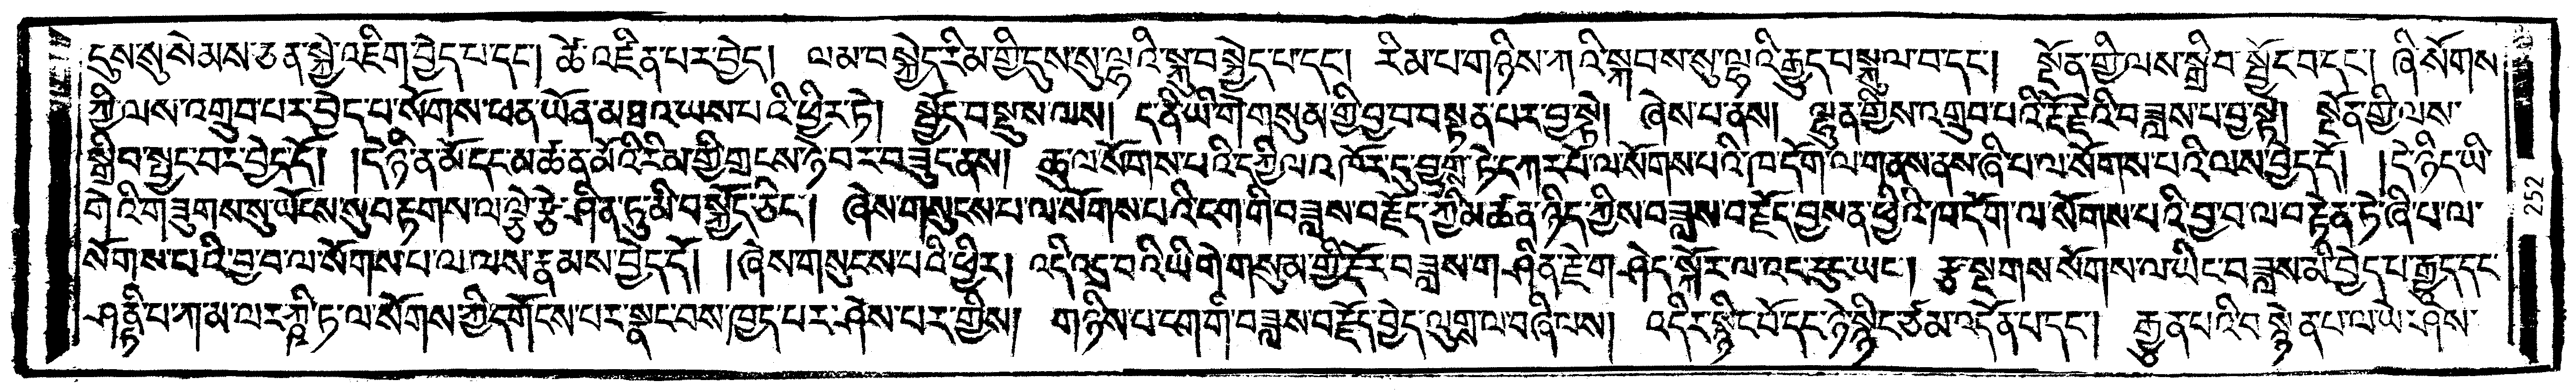དུས་སུ་སེམས་ཅན་སྐྱེ་འཇིག་བྱེད་པ་དང་། ཚེ་འཛིན་པར་བྱེད། ལམ་བསྐྱེད་རིམ་གྱི་དུས་སུ་ལྷའི་སྐུ་བསྐྱེད་པ་དང་། རིམ་པ་གཉིས་ཀའི་སྐབས་སུ་ལྷའི་རྒྱུད་བསྐུལ་བ་དང་། སྔོན་གྱི་ལས་སྒྲིབ་སྦྱོང་བ་དང་། ཞི་སོགས་
ཀྱི་ལས་འགྲུབ་པར་བྱེད་པ་སོགས་ཕན་ཡོན་མཐའ་ཡས་པའི་ཕྱིར་ཏེ། སྤྱོད་བསྡུས་ལས། ང་ནི་ཡི་གེ་གསུམ་གྱི་བྱ་བ་བསྟན་པར་བྱ་སྟེ། ཞེས་པ་ནས། ལྷུན་གྱིས་འགྲུབ་པའི་རྡོ་རྗེའི་བཟླས་པ་བྱ་སྟེ། སྔོན་གྱི་ལས་
སྒྲིབ་སྤྱད་པར་བྱེད་དོ། །དེ་ཉི་ན་མོ་དང་མཚན་མོའི་རིམ་གྱི་གྲངས་ཉེ་བར་བཟུང་ནས། ཆུ་ལ་སོགས་པའི་དཀྱིལ་འཁོར་དུ་བྱུགས་ཏེ་དཀར་པོ་ལ་སོགས་པའི་ཁ་དོག་ལ་གནས་ནས་ཞི་བ་ལ་སོགས་པའི་ལས་བྱེད་དོ། །དེ་ཉིད་ཡི་
གེའི་གཟུགས་སུ་ཡོངས་སུ་བརྟགས་ལ་ལྕེ་རྩེ་ཤིན་ཏུ་མི་བསྐྱོད་ཅིང་། ཞེས་གསུངས་པ་ལ་སོགས་པའི་ངག་གི་བཟླས་བརྗོད་ཀྱི་མཚན་ཉིད་ཀྱིས་བཟླས་བརྗོད་བྱས་ན་ཕྱིའི་ཁ་དོག་ལ་སོགས་པའི་བྱ་བ་ལ་བརྟེན་ཏེ་ཞི་བ་ལ་
སོགས་པའི་བྱ་བ་ལ་སོགས་པ་ལ་ལས་རྣམས་བྱེད་དོ། །ཞེས་གསུངས་པའི་ཕྱིར། འདི་འདྲ་བའི་ཡི་གེ་གསུམ་གྱི་རྡོར་བཟླས་གཤིན་རྗེ་གཤེད་སྐོར་ལ་འང་རུང་ཡང་། རྩ་སྔགས་སོགས་ལ་ཡིད་བཟླས་མི་བྱེད་པ་རྒྱུད་དང་
ཤནྟི་བ་ཀ་མ་ལརྐྵི་ཏ་ལ་སོགས་ཀྱི་དགོངས་པར་སྣང་བས་ཁྱད་པར་ཤེས་པར་གྱིས། གཉིས་པ་ངག་གི་བཟླས་བརྗོད་བྱེད་ལུགས་ལ་བཞི་ལས། འདིར་སྙིང་པོ་དང་ཉེ་སྙིང་ཙམ་འདོན་པ་དང་། རྒྱུན་པའི་བསྙེན་པ་ལ་ཡེ་ཤེས་